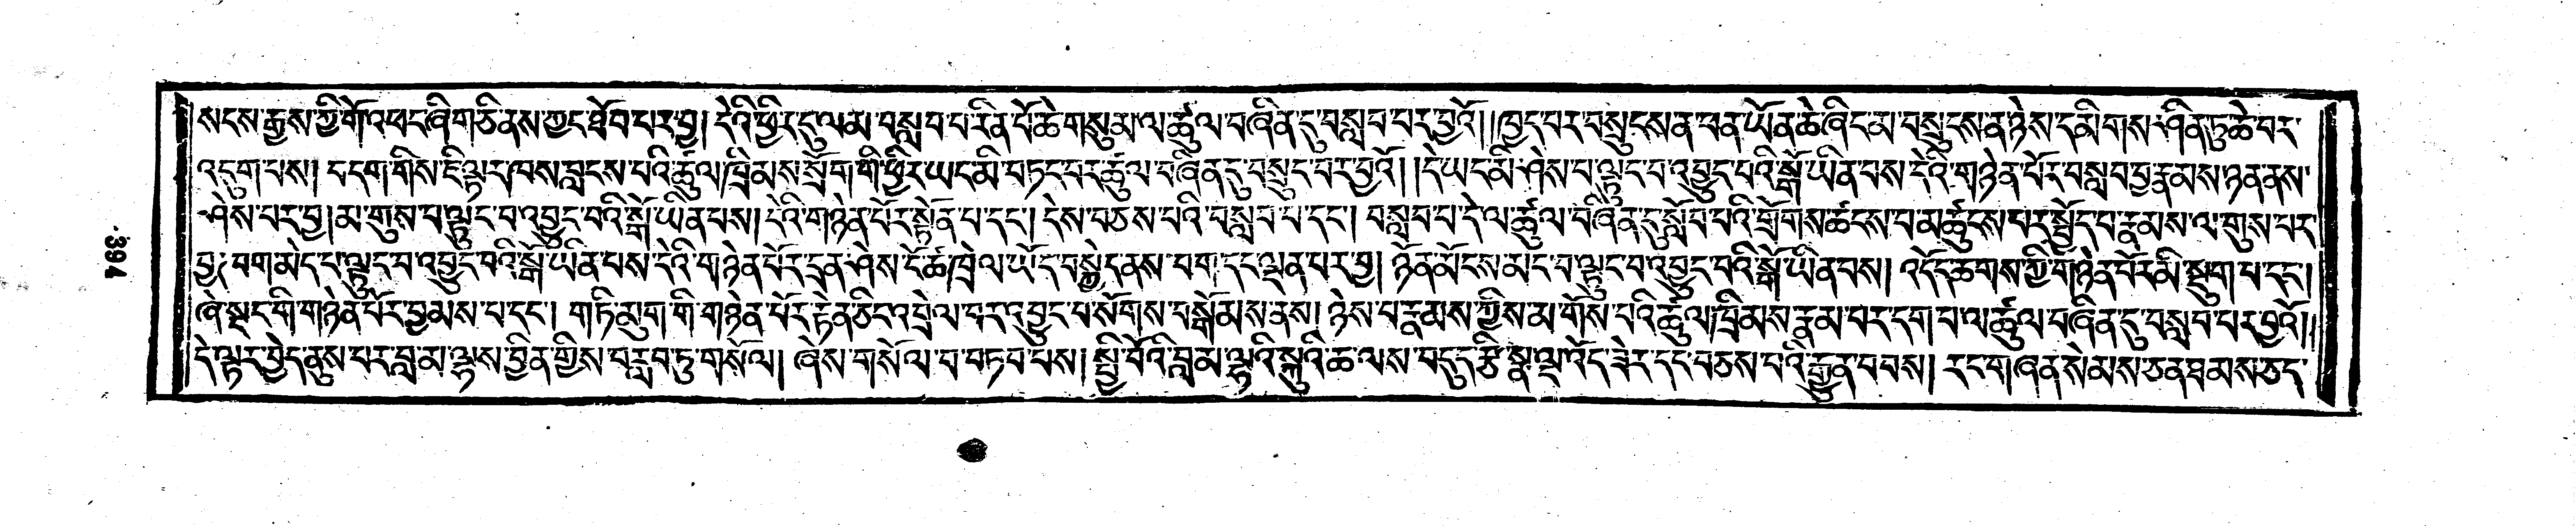སངས་རྒྱས་ཀྱི་གོ་འཕང་ཞིག་ཅི་ནས་ཀྱང་ཐོབ་པར་བྱ། དེའི་ཕྱིར་དུ་ལམ་བསླབ་པ་རིན་པོ་ཆེ་གསུམ་ལ་ཚུལ་བཞིན་དུ་བསླབ་པར་བྱའོ། །ཁྱད་པར་བསྲུངས་ན་ཕན་ཡོན་ཆེ་ཞིང་མ་བསྲུངས་ན་ཉེས་དམིགས་ཤིན་ཏུ་ཆེ་བར་
འདུག་པས། བདག་གིས་ཇི་ལྟར་ཁས་བླངས་པའི་ཚུལ་ཁྲིམས་སྲོག་གི་ཕྱིར་ཡང་མི་བཏང་བར་ཚུལ་བཞིན་དུ་བསྲུང་བར་བྱའོ། །དེ་ཡང་མི་ཤེས་པ་ལྟུང་བ་འབྱུང་བའི་སྒོ་ཡིན་པས་དེའི་གཉེན་པོར་བསླབ་བྱ་རྣམས་ཉན་ནས་
ཤེས་པར་བྱ། མ་གུས་པ་ལྟུང་བ་འབྱུང་བའི་སྒོ་ཡིན་པས། དེའི་གཉེན་པོར་སྟོན་པ་དང་། དེས་བཅས་པའི་བསླབ་པ་དང་། བསླབ་པ་དེ་ལ་ཚུལ་བཞིན་དུ་སློབ་པའི་གྲོགས་ཚངས་པ་མཚུངས་པར་སྤྱོད་པ་རྣམས་ལ་གུས་པར་
བྱ། བག་མེད་པ་ལྟུང་བ་འབྱུང་བའི་སྒོ་ཡིན་པས་དེའི་གཉེན་པོར་དྲན་ཤེས་ངོ་ཚ་ཁྲེལ་ཡོད་བསྐྱེད་ནས་བག་དང་ལྡན་པར་བྱ། ཉོན་མོངས་མང་བ་ལྟུང་བ་འབྱུང་བའི་སྒོ་ཡིན་པས། འདོད་ཆགས་ཀྱི་གཉེན་པོར་མི་སྡུག་པ་དང་།
ཞེ་སྡང་གི་གཉེན་པོར་བྱམས་པ་དང་། གཏི་མུག་གི་གཉེན་པོར་རྟེན་ཅིང་འབྲེལ་བར་འབྱུང་བ་སོགས་བསྒོམས་ནས། ཉེས་པ་རྣམས་ཀྱིས་མ་གོས་པའི་ཚུལ་ཁྲིམས་རྣམ་པར་དག་པ་ལ་ཚུལ་བཞིན་དུ་བསླབ་པར་བྱའོ། །
དེ་ལྟར་བྱེད་ནུས་པར་བླ་མ་ལྷས་བྱིན་གྱིས་བརླབ་ཏུ་གསོལ། ཞེས་གསོལ་བ་བཏབ་པས། སྤྱི་བོའི་བླ་མ་ལྷའི་སྐུའི་ཆ་ལས་བདུད་རྩི་སྣ་ལྔ་འོད་ཟེར་དང་བཅས་པའི་རྒྱུན་བབས། རང་གཞན་སེམས་ཅན་ཐམས་ཅད་